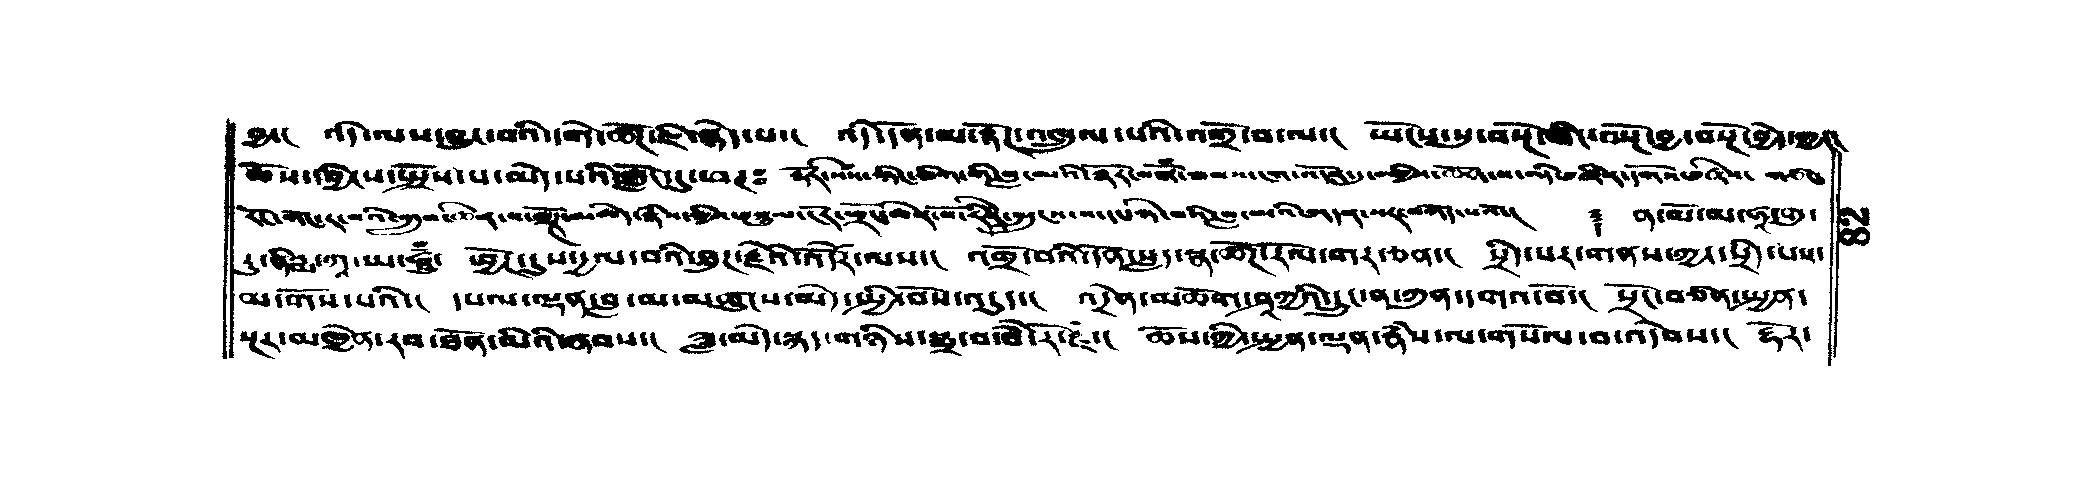བྱ། །འདི་ལས་བྱུང་བའི་དགེ་ཚོགས་ཇི་སྙེད་པ། །འདི་དོན་མ་རྟོགས་འཁྲུལ་པའི་འགྲོ་བ་ལ། །ཡོངས་སུ་བསྔོ་ཞིང་བསྔོ་བྱ་བསྔོ་བྱེད་ཀྱང་། །
ཆོས་དབྱིངས་སྤྲོས་པ་མེད་པའི་ཀློང་དུ་ཕཊཿརྡོར་སེམས་སྙིང་ཐིག་གི་བླ་མའི་རྣལ་འབྱོར་བསྒོམ་ཐབས་ངག་འདོན་དུ་བགྱིས་ཆོག་པ་འདི་བཞིན་དགོས་ཞེས། གཙང་
རོང་གོང་ར་བའི་གྲུབ་ཆེན་པ་གྲོགས་མཆེད་རྣམས་ཀྱིས་བསྐུལ་ངོར་ཕོ་བྲང་ཆེན་པོ་རིན་ཆེན་སྦུངས་པ་དང་ཉེ་བའི་བླ་མའི་གདན་སར་བཀོད་པའོ།། ༈ ན་མོ་མ་ཧཱ་གུ་
རུ་ནིརྨ་ཀཱ་ཡ་ཧཱུྃ། ཕྱོགས་དུས་རྒྱལ་བའི་ཐུགས་རྗེའི་འོད་ཟེར་ལས། །འགྲོ་བའི་དོན་སླད་སྣ་ཚོགས་རོལ་གར་ཅན། །སྲིད་པར་གནས་ཀྱང་སྲིད་པས་
མ་གོས་པའི། །དཔལ་ལྡན་བླ་མ་མཚུངས་མེད་སྤྱི་བོས་འདུད། །འདྲེན་མཆོག་ཤཱཀྱའི་དྲུང་ན་ཀུན་དགའ་བོ། །སྲོང་བཙན་སྤྱན་
སྔར་མཁྱེན་རབ་ཐོན་མའི་ཞབས། །ཟླ་མེད་སྐད་གཉིས་སྨྲ་བ་བཻ་རོ་རྗེ། །ཆོས་ཀྱི་སྤྱན་ལྡན་རྣམས་ལ་གསོལ་བ་འདེབས། །རྡོར་